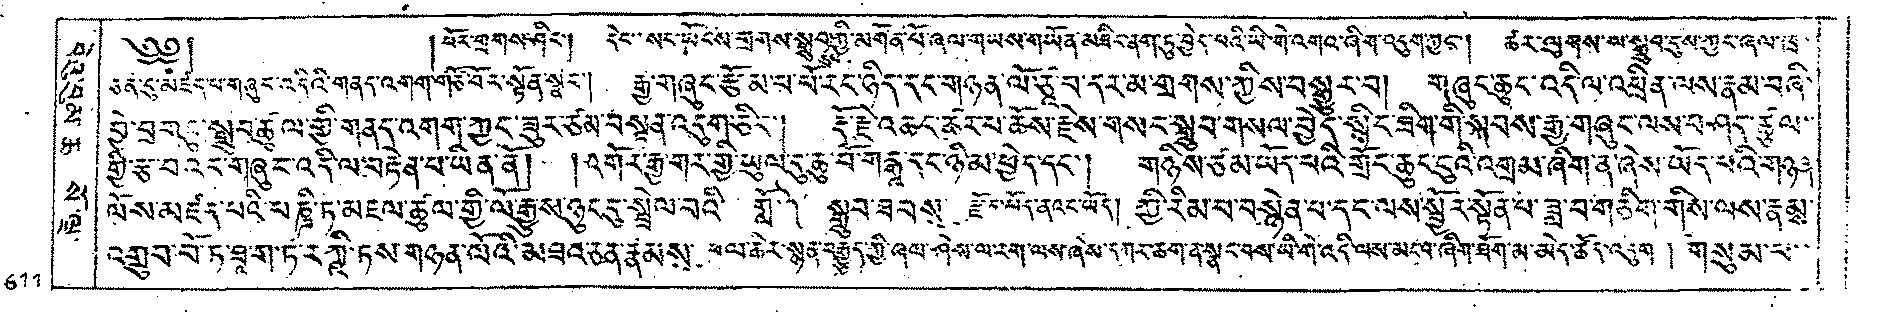༄༅། །པོར་གྲགས་ཤིང་། དེང་སང་ཡོངས་གྲགས་སྒྲུབ་དུས་ཀྱི་མགོན་པོ་ཞལ་གཡས་གཡོན་མཐིང་ནག་ཏུ་བྱེད་པའི་ཡི་གེ་འགའ་ཞིག་འདུག་ཀྱང་། ཚར་ལུགས་ལ་སྒྲུབ་དུས་ཀྱང་ཞལ་ཁྲ་
ཅན་དུ་མཛད་པ་གཞུང་འདིའི་གནད་འགག་གཙོ་བོར་སྟོན་སྣང་། རྒྱ་གཞུང་རྩོམ་པ་པོ་རང་ཉིད་དང་གཉན་ལོ་ཙཱ་བ་དར་མ་གྲགས་ཀྱིས་བསྒྱུར་བ། གཞུང་ཆུང་འདི་ལ་འཕྲིན་ལས་རྣམ་བཞི་
བྱེ་བྲག་ཏུ་སྒྲུབ་ཚུལ་གྱི་གནད་འགག་ཀྱང་ཟུར་ཙམ་བསྟན་འདུག་ཅིང་། རྡོ་རྗེ་འཆང་ཚར་པ་ཆོས་རྗེས་གསང་སྒྲུབ་གསལ་བྱེད་སྙིང་ཐིག་གི་སྐབས་རྒྱ་གཞུང་ལས་བཤད་ཚུལ་
གྱི་རྩ་བའང་གཞུང་འདི་ལ་བརྟེན་པ་ཡིན་ནོ། །འགོར་རྒྱ་གར་གྱི་ཡུལ་དུ་ཆུ་བོ་གངྒཱ་དང་ཉི་མ་ཕྱེད་དང་། གཉིས་ཙམ་ཡོད་པའི་གྲོང་ཆུང་ངུའི་འགྲམ་ཞིག་ན་ཞེས་ཡོད་པའི་གཉན་
ལོས་མཛད་པའི་པཎྜི་ཏ་མཇལ་ཚུལ་གྱི་ལོ་རྒྱུས་ཉུང་དུ་སྦྲེལ་བའི་གླ྄ོ་སྒྲུབ་ཐབས་རྫོང་པོད་ནའང་ཡོད།  ཀྱི་རིམ་པ་བསྙེན་པ་དང་ལས་སྦྱོར་སྟོན་པ་ཟླ་བ་གཅིག་གིས་ལས་རྣམས་
འགྲུབ་པོ་ཏ་ཐཱ་ག་ཏ་རཀྵི་ཏས་གཉན་ལོའི་མཐའ་ཅན་རྣམས་ཕལ་ཆེར་སྙན་བརྒྱུད་ཀྱི་ཞལ་ཤེས་ལ་རག་ལས་ཞེས་དཀར་ཆག་ན་སྣང་བས་ཡི་གེ་འདི་ལས་མང་བ་ཞིག་ཐོག་མ་མེད་ཚོད་འདུག་།གསུམ་པ་